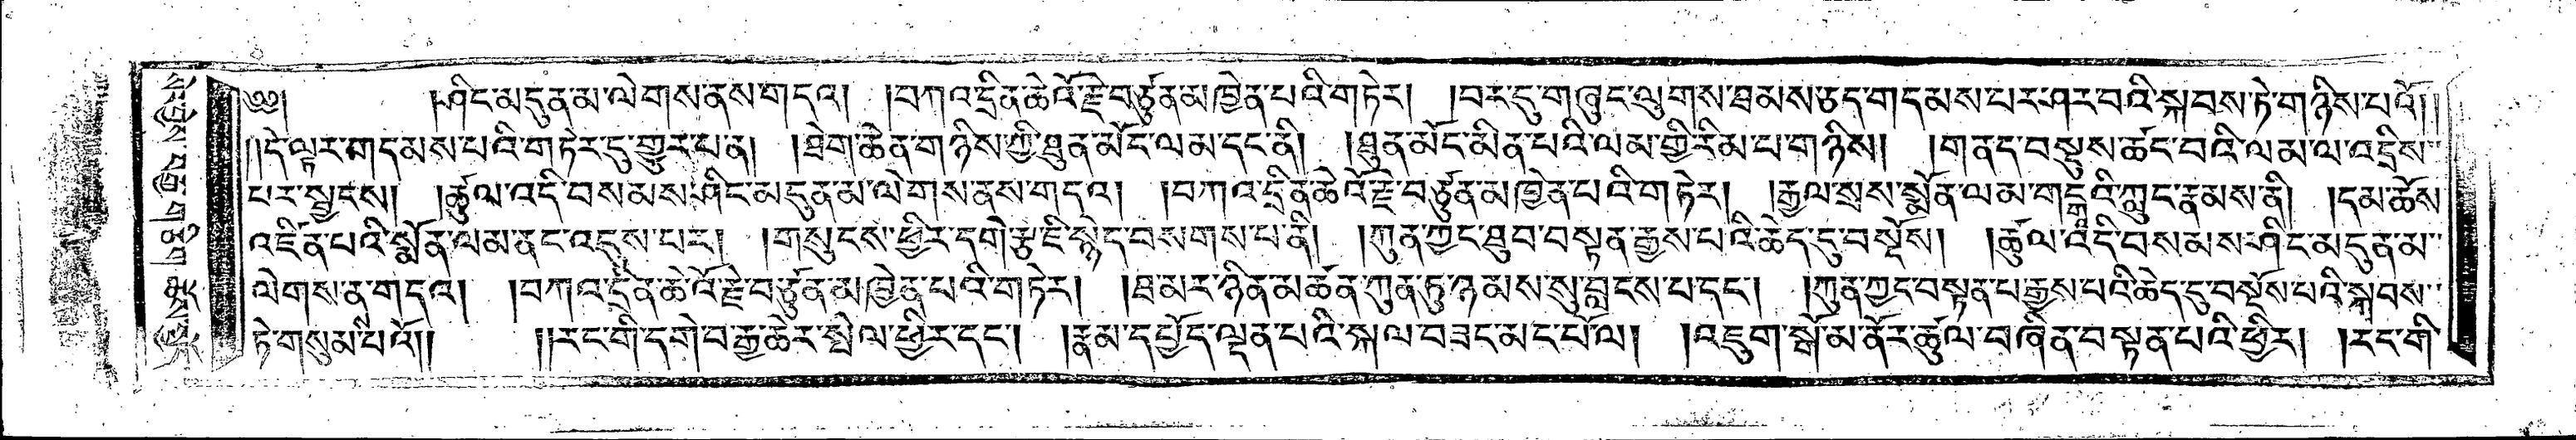༄༅། །ཤིང་མདུན་མ་ལེགས་ནས་གདའ། །བཀའ་དྲིན་ཆེའོ་རྗེ་བཙུན་མཁྱེན་པའི་གཏེར། །བར་དུ་གཞུང་ལུགས་ཐམས་ཅད་གདམས་པར་ཤར་བའི་སྐབས་ཏེ་གཉིས་པའོ། །
དེ་ལྟར་གདམས་པའི་གཏེར་དུ་གྱུར་པ་ན། །ཐེག་ཆེན་གཉིས་ཀྱི་ཐུན་མོང་ལམ་དང་ནི། །ཐུན་མོང་མིན་པའི་ལམ་གྱི་རིམ་པ་གཉིས། །གནད་བསྡུས་ཚང་བའི་ལམ་ལ་འདྲིས་
པར་སྦྱངས། །ཚུལ་འདི་བསམས་ཤིང་མདུན་མ་ལེགས་ནས་གདའ། །བཀའ་དྲིན་ཆེའོ་རྗེ་བཙུན་མཁྱེན་པའི་གཏེར། །རྒྱལ་སྲས་སྨོན་ལམ་གངྒཱཱི་ཀླུང་རྣམས་ནི། །དམ་ཆོས་
འཛིན་པའི་སྨོན་ལམ་ནང་འདུས་པར། །གསུངས་ཕྱིར་དགེ་རྩ་ཇི་སྙེད་བསགས་པ་ནི། །ཀུན་ཀྱང་ཐུབ་བསྟན་རྒྱས་པའི་ཆེད་དུ་བསྔོས། །ཚུལ་འདི་བསམས་ཤིང་མདུན་མ་
ལེགས་ནས་གདའ། །བཀའ་དྲིན་ཆེ་འོ་རྗེ་བཙུན་མཁྱེན་པའི་གཏེར། །ཐ་མར་ཉིན་མཚན་ཀུན་ཏུ་ཉམས་སུ་བླངས་པ་དང་། །ཀུན་ཀྱང་བསྟན་པ་རྒྱས་པའི་ཆེད་དུ་བསྔོས་པའི་སྐབས་
ཏེ་གསུམ་པའོ།། །།རང་གི་དགེ་བ་རྒྱ་ཆེར་སྤེལ་ཕྱིར་དང་། །རྣམ་དཔྱོད་ལྡན་པའི་སྐལ་བཟང་མང་པོ་ལ། །འཇུག་སྒོ་མ་ནོར་ཚུལ་བཞིན་བསྟན་པའི་ཕྱིར། །རང་གི་